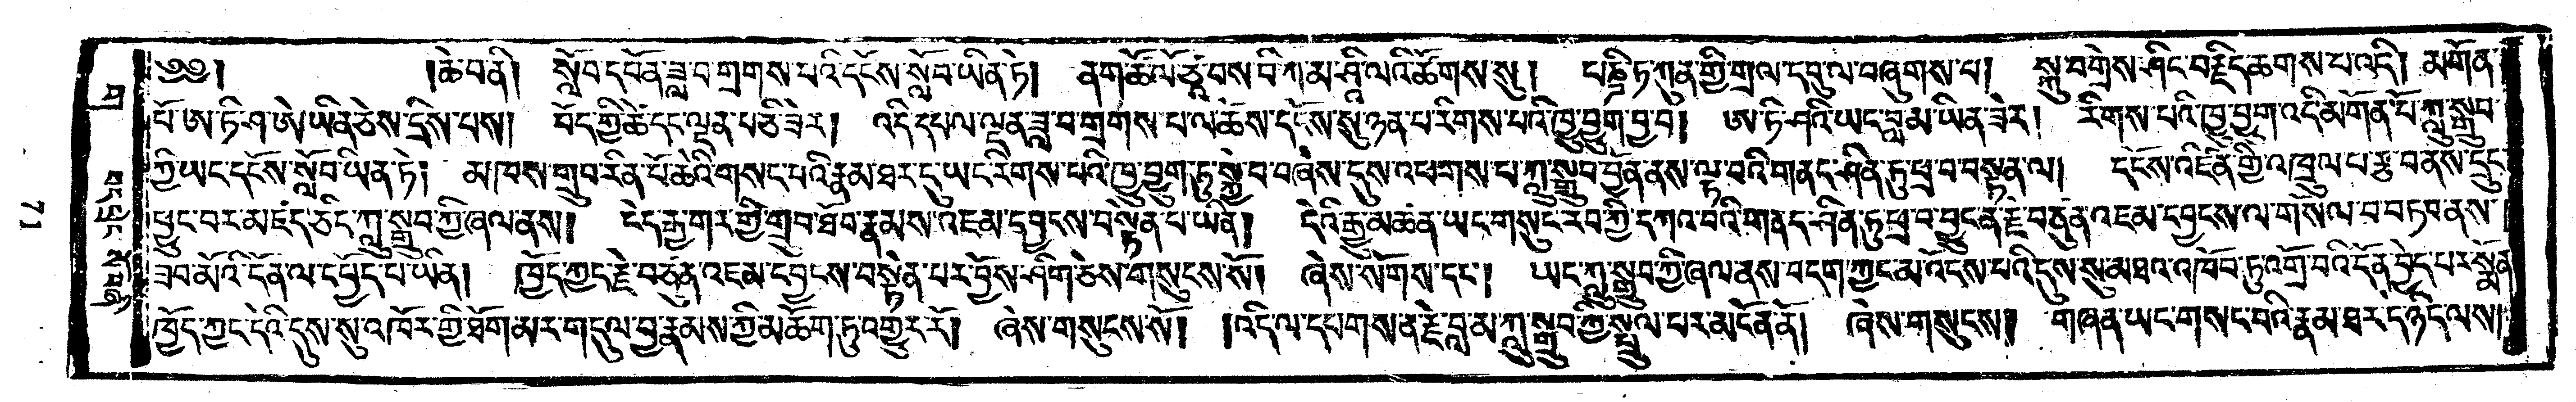༄༅། །ཆེ་བ་ནི། སློབ་དཔོན་ཟླ་བ་གྲགས་པའི་དངོས་སློབ་ཡིན་ཏེ། ནག་ཚོ་ལོ་ཙཱ་བས་བི་ཀ་མ་ཤཱི་ལའི་ཚོགས་སུ། པཎྜི་ཏ་ཀུན་གྱི་གྲལ་དབུ་ལ་བཞུགས་པ། སྐུ་བགྲེས་ཤིང་བརྗིད་ཆགས་པ་འདི། མགོན་
པོ་ཨ་ཏི་ཤ་ཨེ་ཡིན་ཅེས་དྲིས་པས། བོད་ཀྱི་ཚེ་དང་ལྡན་པ་ཅི་ཟེར། འདི་དཔལ་ལྡན་ཟླ་བ་གྲགས་པ་ལ་ཆོས་དངོས་སུ་ཉན་པ་རིགས་པའི་ཁྱུ་བྱུག་བྱ་བ། ཨ་ཏི་ཤའི་ཡང་བླ་མ་ཡིན་ཟེར། རིགས་པའི་ཁྱུ་བྱུང་འདི་མགོན་པོ་ཀླུ་སྒྲུབ་
ཀྱི་ཡང་དངོས་སློབ་ཡིན་ཏེ། མཁས་གྲུབ་རིན་པོ་ཆེའི་གསང་བའི་རྣམ་ཐར་དུ་ཡང་རིགས་པའི་ཁྱུ་བྱུག་ཏུ་སྐྱེ་བ་བཞེས་དུས་འཕགས་པ་ཀླུ་སྒྲུབ་བྱོན་ནས་ལྟ་བའི་གནང་ཤིན་ཏུ་ཕྲ་བ་བསྟན་ལ། དངོས་འཛིན་གྱི་འཁྲུལ་པ་རྩ་བ་ནས་དྲུང་
ཕྱུང་བར་མཛད་ཅིང་ཀླུ་སྒྲུབ་ཀྱི་ཞལ་ནས། ངེད་རྒྱ་གར་གྱི་གྲུབ་ཐོབ་རྣམས་འཇམ་དབྱངས་བསྟེན་པ་ཡིན། དེའི་རྒྱུ་མཚན་ཡང་གསུང་རབ་ཀྱི་དཀའ་བའི་གནད་ཤིན་ཏུ་ཕྲ་བ་བྱུང་ན་རྗེ་བཙུན་འཇམ་དབྱངས་ལ་གསོལ་བ་བཏབ་ནས་
ཟབ་མོའི་དོན་ལ་དཔྱོད་པ་ཡིན། ཁྱོད་ཀྱང་རྗེ་བཙུན་འཇམ་དབྱངས་བསྟེན་པར་བྱོས་ཤིག་ཅེས་གསུངས་སོ། །ཞེས་སོགས་དང་། ཡང་ཀླུ་སྒྲུབ་ཀྱི་ཞལ་ནས་བདག་ཀྱང་མ་འོངས་པའི་དུས་སུ་མཐའ་འཁོབ་ཏུ་འགྲོ་བའི་དོན་བྱེད་པར་སྨོན་
ཁྱོད་ཀྱང་དེའི་དུས་སུ་འཁོར་གྱི་ཐོག་མར་གདུལ་བྱ་རྣམས་ཀྱི་མཆོག་ཏུ་འགྱུར་རོ། ཞེས་གསུངས་སོ། །འདི་ལ་དཔགས་ན་རྗེ་བླ་མ་ཀླུ་སྒྲུབ་ཀྱི་སྤྲུལ་པར་མངོན་ནོ། །ཞེས་གསུངས། གཞན་ཡང་གསང་བའི་རྣམ་ཐར་དེ་ཉིད་ལས།